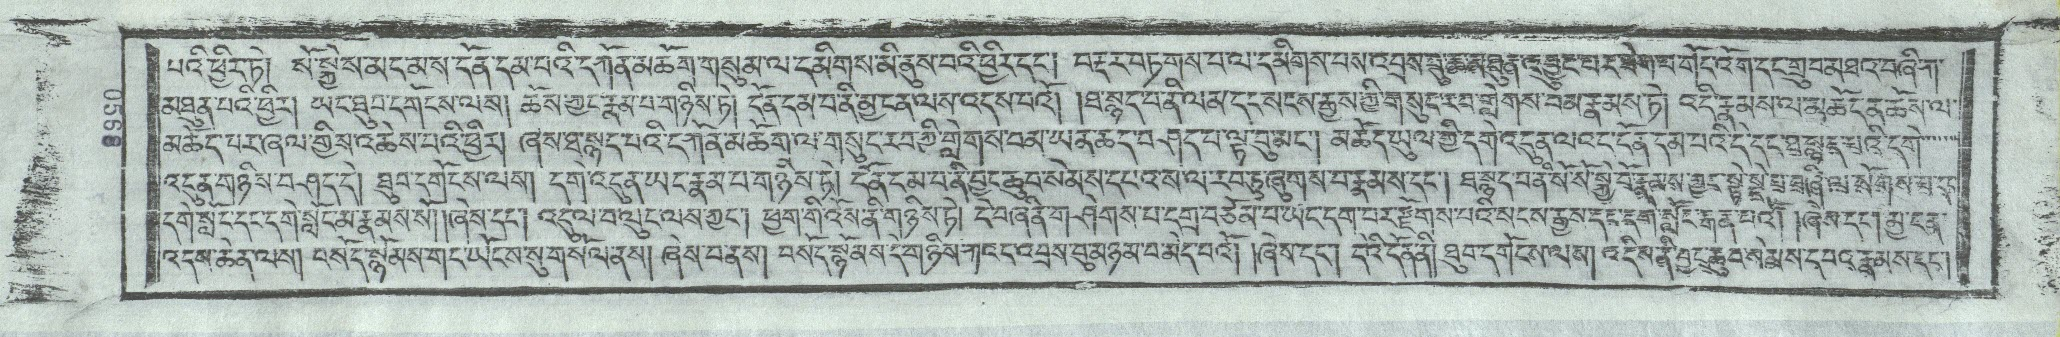པའི་ཕྱིར་ཏེ། སོ་སྐྱེ་ས་མང་མས་དོན་དམ་པའི་དཀོན་མཆོག་གསུམ་ལ་དམིགས་མི་ནུས་བའི་ཕྱིར་དང་། བརྡར་བཏགས་པ་ལ་དམིགས་པས་འབྲས་བུ་ཆ་མཐུན་འབྱུང་བར་ཐེག་པ་གོང་འོག་དང་གྲུབ་མཐའ་བཞི་ཀ་
མཐུན་པའི་ཕྱིར། ཡང་ཐུབ་དགོངས་ལས། ཆོས་ཀྱང་རྣམ་པ་གཉིས་ཏེ། དོན་དམ་པ་ནི་མྱ་ངན་ལས་འདས་པའོ། །ཐ་སྙད་པ་ནི་ལམ་དང་སངས་རྒྱས་ཀྱི་གསུང་རབ་གླེགས་བམ་རྣམས་ཏེ། འདི་རྣམས་ལ་མཆོད་ན་ཆོས་ལ་
མཆོད་པར་ཞལ་གྱིས་འཆེས་པའི་ཕྱིར། ཞས་ཐ་སྙད་པའི་དཀོན་མཆོག་ལ་གསུང་རབ་ཀྱི་གླེགས་བམ་ཡན་ཆད་བཤད་པ་ལྟ་བུ་མང་། མཆོད་ཡུལ་གྱི་དགེ་འདུན་ལའང་དོན་དམ་པའི་དེ་དང་ཐ་སྙད་པའི་དགེ་
འདུན་གཉིས་བཤད་དེ། ཐུབ་དགོངས་ལས། དགེ་འདུན་ཡང་རྣམ་པ་གཉིས་ཏེ། དོན་ངམ་བ་ནི་བྱང་ཆུབ་སེམས་དཔའ་ས་ལ་རབ་ཏུ་ཞུགས་པ་རྣམས་དང་། ཐ་སྙད་པ་ནི་སོ་སོ་སྐྱེ་བོ་རྣམས་ཀྱང་སྟེ་སྡེ་པ་བཞི་ལ་སོགས་པ་དང་
དགེ་སློང་དང་དགེ་སློང་མ་རྣམས་སོ། །ཞེས་དང་། འདུལ་བ་ལུང་ལས་ཀྱང་། ཕྱག་གི་འོས་ནི་གཉིས་ཏེ། དེ་བཞིན་གཤེགས་པ་དགྲ་བཅོམ་པ་ཡང་དག་པར་རྫོགས་པའི་སངས་རྒྱས་དང་དགེ་སློང་རྒན་པའོ། །ཞེས་དང་། མྱ་ངན་
འདས་ཆེན་ལས། བསོད་སྙོམས་གང་ཡོངས་སུ་གསོལ་ནས། ཞེས་བ་ནས། བསོད་སྙོམས་དེ་གཉིས་ཀའང་འབྲས་བུ་མཉམ་པ་མེད་པའོ། །ཞེས་དང་། དེའི་དོན་ནི། ཐུབ་དགོངས་ལས། འདིས་ནི་བྱང་ཆུབ་སེམས་དཔའ་རྣམས་དང་།